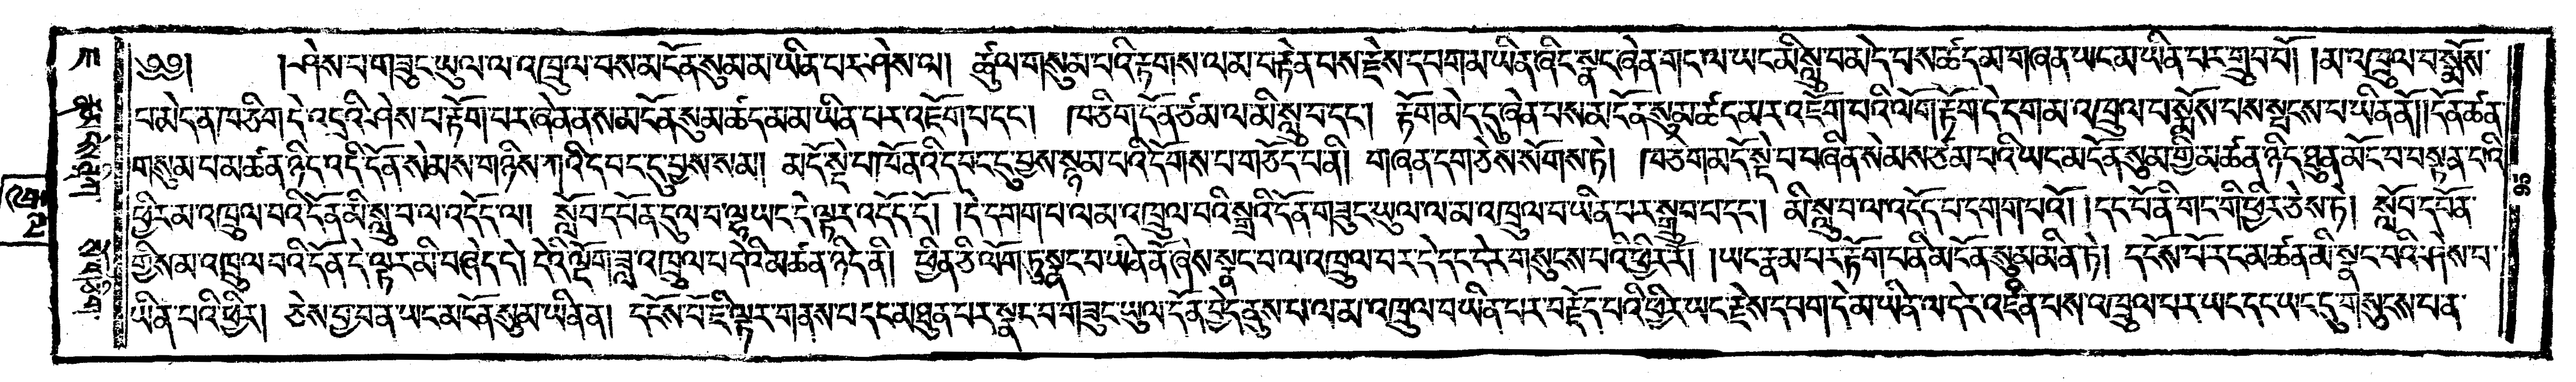༄༅། །ཤེས་པ་གཟུང་ཡུལ་ལ་འཁྲུལ་བས་མངོན་སུམ་མ་ཡིན་པར་ཤེས་ལ། ཚུལ་གསུམ་པའི་རྟགས་ལ་མ་བརྟེན་པས་རྗེས་དཔག་མ་ཡིན་ཞིང་སྣང་ཞེན་གང་ལ་ཡང་མི་སླུ་བ་མེད་པས་ཚད་མ་གཞན་ཡང་མ་ཡིན་པར་གྲུབ་བོ། །མ་འཁྲུལ་བ་སྨོས་
པ་མེད་ན་ཁ་ཅིག་དེ་འདྲའི་ཤེས་པ་རྟོག་པར་ཞེན་ནས་མངོན་སུམ་ཚད་མ་མ་ཡིན་པར་འཇོག་པ་དང་། ཁ་ཅིག་དོན་ཙམ་ལ་མི་སླུ་བ་དང་། རྟོག་མེད་དུ་ཞེན་པས་མངོན་སུམ་ཚད་མར་འཇོག་པའི་ལོག་རྟོག་དེ་དག་མ་འཁྲུལ་པ་སྨོས་པས་སྤངས་པ་ཡིན་ནོ། །དོན་ཚན་
གསུམ་པ་མཚན་ཉིད་འདི་དོན་སེམས་གཉིས་ཀའི་དབང་དུ་བྱས་སམ། མདོ་སྡེ་པ་ཁོ་ནའི་དབང་དུ་བྱས་སྙམ་པའི་དོགས་པ་གཅོད་པ་ནི། གཞན་དག་ཅེས་སོགས་ཏེ། ཁ་ཅིག་མདོ་སྡེ་པ་བཞིན་སེམས་ཙམ་པའི་ཡང་མངོན་སུམ་གྱི་མཚན་ཉིད་ཐུན་མོང་བ་བསྟན་པའི་
ཕྱིར་མ་འཁྲུལ་བའི་དོན་མི་སླུ་བ་ལ་འདོད་ལ། སློབ་དཔོན་དུལ་བ་ལྷ་ཡང་དེ་ལྟར་འདོད་དོ། །དེ་དགག་པ་ལམ་འཁྲུལ་བའི་སྒྲའི་དོན་གཟུང་ཡུལ་ལ་མ་འཁྲུལ་བ་ཡིན་པར་སྒྲུབ་པ་དང་། མི་སླུ་བ་ལ་འདོད་པ་དགག་པའོ། །དང་པོ་ནི་གང་གི་ཕྱིར་ཅེས་ཏེ། སློབ་དཔོན་
གྱིས་མ་འཁྲུལ་བའི་དོན་དེ་ལྟར་མི་བཞེད་དེ། དེའི་ལྡོག་ཟླ་འཁྲུལ་པ་དེའི་མཚན་ཉིད་ནི། ཕྱིན་ཅི་ལོག་ཏུ་སྣང་བ་ཡིན་ནོ་ཞེས་སྣང་བ་ལ་འཁྲུལ་བར་དེ་དང་དེར་གསུངས་པའི་ཕྱིར་རོ། །ཡང་རྣམ་པར་རྟོག་པ་ནི་མངོན་སུམ་མིན་ཏེ། དངོས་པོ་རང་མཚན་མི་སྣང་བའི་ཤེས་པ་
ཡིན་པའི་ཕྱིར། ཅེས་བྱ་བ་ན་ཡང་མངོན་སུམ་ཡིན་ན། དངོས་པོ་ཇི་ལྟར་གནས་པ་དང་མཐུན་པར་སྣང་བ་གཟུང་ཡུལ་དོན་བྱེད་ནུས་པ་ལ་མ་འཁྲུལ་བ་ཡིན་པར་བརྗོད་པའི་ཕྱིར་ཡང་རྗེས་དཔག་དེ་མ་ཡིན་ལ་དེར་འཛིན་པས་འཁྲུལ་པར་ཡང་དང་ཡང་དུ་གསུངས་པ་ན་